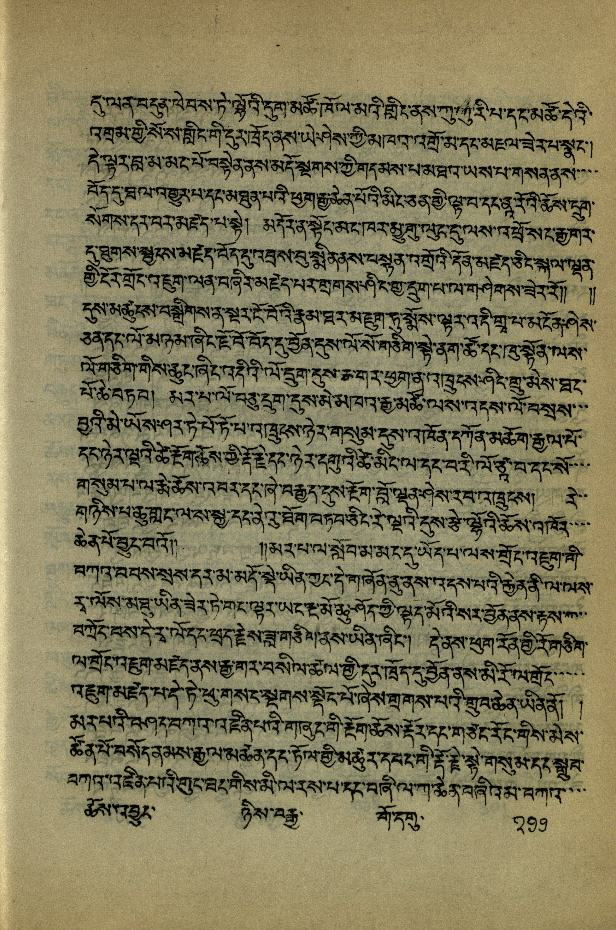དུ་ལན་བདུན་ཕེབས་ཏེ་ལྷོའི་དུག་མཚོ་ཁོལ་མའི་གླིང་ནས་ཀུ་ཀུ་རི་པ་དང་མཚོ་དེའི་
འགྲམ་གྱི་སོ་ས་གླིང་གི་དུར་ཁྲོད་ནས་ཡེ་ཤེས་ཀྱི་མཁའ་འགྲོ་མ་དང་མཇལ་ཟེར་པ་སྣང་།
དེ་ལྟར་བླ་མ་མང་པོ་བསྟེན་ནས་མདོ་སྔགས་ཀྱི་གདམས་པ་མཐའ་ཡས་པ་གསན་ནས་
བོད་དུ་ཐལ་འགྱུར་པ་དང་མཐུན་པའི་ཕྱག་རྒྱ་ཆེན་པོའི་མིང་ཅན་གྱི་ལྟ་བ་དང་ནཱ་རོའི་ཆོས་དྲུག་
སོགས་དར་བར་མཛད་པ་སྟེ། མདོར་ན་སྟོང་མང་ཁར་མྱུ་གུ་ལུང་དུ་ལས་འཕྲོ་སང་རྒྱ་གར་
དུ་ཐུགས་སྦྱངས་མཛད་བོད་དུ་འབྲས་བུ་སྨིན་ནས་བསྟན་འགྲོའི་དོན་མཛད་ཅིང་སྐལ་ལྡན་
གྱི་ངོར་གྲོང་འཇུག་ལན་བཞིར་མཛད་པར་གྲགས་ཤིང་གྱ་དྲུག་པ་ལ་གཤེགས་ཟེར་རོ།། །།
དུས་མཚུངས་བསྒྲིགས་ན་སྔར་ངོ་བོའི་རྣམ་ཐར་མཇུག་ཏུ་སྨོས་ལྟར་འདི་གྲྭ་པ་མངོན་ཤེས་
ཅན་དང་ལོ་མཉམ་ཞིང་ཇོ་བོ་བོད་དུ་བྱོན་དུས་ལོ་སོ་གཅིག་སྟེ་ནག་ཚོ་དང་ཁུ་སྟོན་ལས་
ལོ་གཅིག་གིས་ཆུང་ཞིང་འདིའི་ལོ་དྲུག་དུས་ཆ་གར་ཕྱག་ན་འཁྲུངས་ཤིང་གྲུ་མེས་ཐང་
པོ་ཆེ་བཏབ། མར་པ་ལོ་བཅུ་དྲུག་དུས་མེ་མཁའ་རྒྱ་མཚོ་ལས་འདས་ལོ་བསྲས་
བྱའི་མེ་ཡོས་ཤར་ཏེ་པོ་ཏོ་པ་འཁྲུངས་ཉེར་གསུམ་དུས་འཁོན་དཀོན་མཆོག་རྒྱལ་པོ་
དང་ཉེར་ལྔའི་ཚེ་རྡོག་ཆོས་ཀྱི་རྡོ་རྗེ་དང་ཉེར་དགུའི་ཚེ་མིང་ལ་དང་བ་རི་ལོ་ཙཱ་བ་དང་སོ་
གསུམ་པ་ལ་རྨེ་ཆོས་འབར་དང་ཞེ་བརྒྱད་དུས་རྡོག་བློ་ལྡན་ཤེས་རབ་འཁྲུངས། རེ་
གཉིས་པ་ཆུ་གླང་ལ་ས་སྐྱ་དང་ནེའུ་ཐོག་བཏབ་ཅིང་རེ་ལྔའི་དུས་རྩེ་ལྷོའི་ཆོས་འཁོར་
ཆེན་པོ་བྱུང་བའོ།། །།མར་པ་ལ་སློབ་མ་མང་དུ་ཡོད་པ་ལས་གྲོང་འཇུག་གི་
བཀའ་བབས་སྲས་དར་མ་མདོ་སྡེ་ཡིན་ཀྱང་དེ་གཞོན་ནུ་ནས་འདས་པའི་རྐྱེན་ནི་ལ་ལས་
རྭ་ལོས་མཐུ་ཡིན་ཟེར་ཏེ་གང་ལྟར་ཡང་རྔ་མོ་ཆུ་ཤོད་ཀྱི་ལྟད་མོའི་སར་བྱོན་ནས་རྟས་
བཀྲོང་བས་དེ་རྭ་ལོ་དང་ཕྲད་རྗེས་ཟླ་གཅིག་ནས་ཡིན་ཞིང་། དེ་ནས་ཕུག་རོན་གྱི་རོ་གཅིག་
ལ་གྲོང་འཇུག་མཛད་ནས་རྒྱ་གར་བསིལ་ཚལ་གྱི་དུར་ཁྲོད་དུ་བྱོན་ནས་མི་རོ་ལ་གྲོང་
འཇུག་མཛད་པ་དེ་ཏེ་ཕུ་གསང་སྔགས་སྡོང་པོ་ཞེས་གྲགས་པའི་གྲུབ་ཆེན་ཡིན་ནོ། །
མར་པའི་བཤད་བཀའ་འཛིན་པའི་གཞུང་གི་རྡོག་ཆོས་རྡོར་དང་གཙང་རོང་གིས་མེས་
ཚོན་པོ་བསོད་ནམས་རྒྱལ་མཚན་དང་ཏོལ་གྱི་མཚུར་དབང་གི་རྡོ་རྗེ་སྟེ་གསུམ་དང་སྒྲུབ་
བཀའ་འཛིན་པའི་གུང་ཐང་གིས་མི་ལ་རས་པ་དང་བཞི་ལ་ཀ་ཆེན་བཞིའམ་བཀའ་